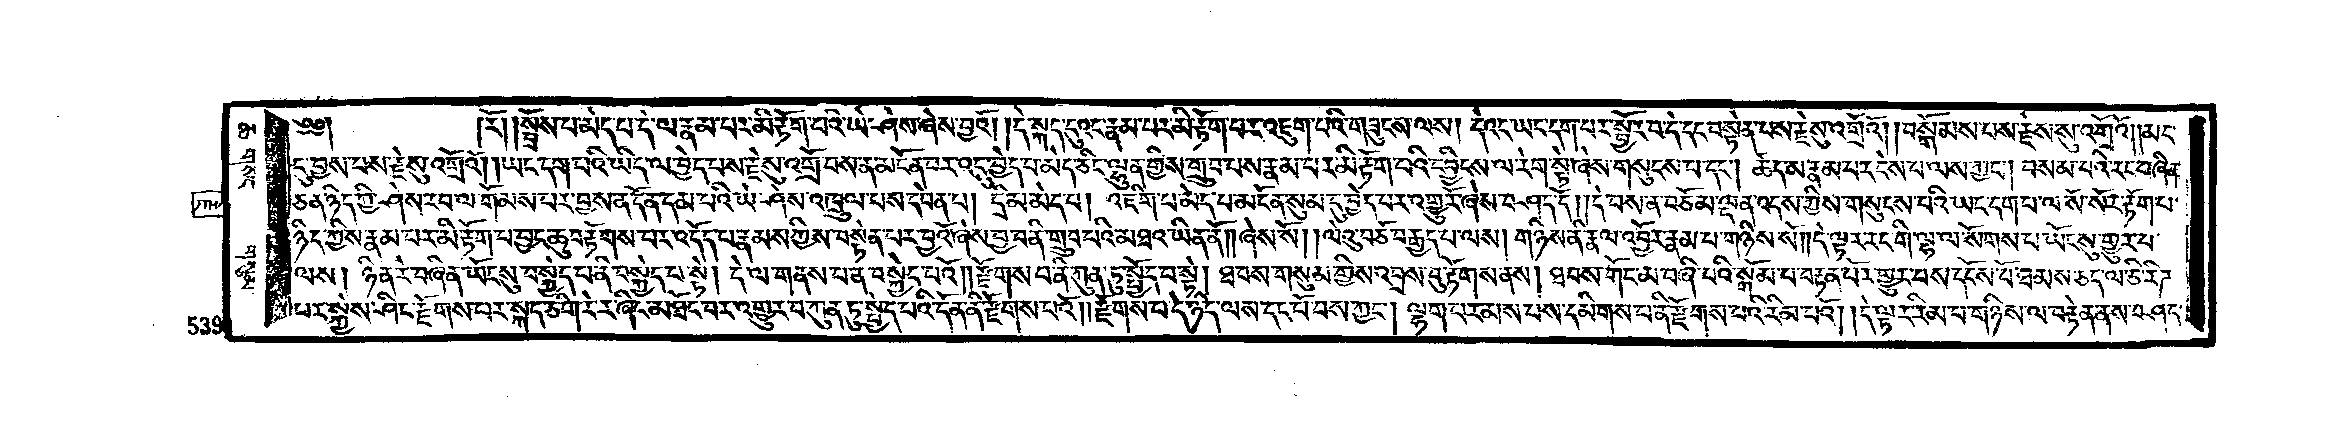༄༅། །རོ། །སྤྲོས་པ་མེད་པ་དེ་ལ་རྣམ་པར་མི་རྟོག་པའི་ཡེ་ཤེས་ཞེས་བྱའོ། །དེ་སྐད་དུའང་རྣམ་པར་མི་རྟོག་པར་འཇུག་པའི་གཟུངས་ལས། དེའང་ཡང་དག་པར་སྦྱོར་བ་དེ་དང་བསྟེན་པས་རྗེས་སུ་འགྲོའོ། །བསྒོམས་པས་རྗེས་སུ་འགྲོའོ། །མང་
དུ་བྱས་པས་རྗེས་སུ་འགྲོའོ། །ཡང་དག་པའི་ཡིད་ལ་བྱེད་པས་རྗེས་སུ་འགྲོ་བས་ན་མངོན་པར་འདུ་བྱེད་པ་མེད་ཅིང་ལྷུན་གྱིས་གྲུབ་པས་རྣམ་པར་མི་རྟོག་པའི་དབྱིངས་ལ་རེག་སྟེ་ཞེས་གསུངས་པ་དང་། ཚད་མ་རྣམ་པར་ངེས་པ་ལས་ཀྱང་། བསམ་པའི་རང་བཞིན་
ཅན་ཉིད་ཀྱི་ཤེས་རབ་ལ་གོམས་པར་བྱས་ན་དོན་དམ་པའི་ཡེ་ཤེས་འཁྲུལ་པས་དབེན་པ། དྲི་མ་མེད་པ། འཇིག་པ་མེད་པ་མངོན་སུམ་དུ་བྱེད་པར་འགྱུར་རོ་ཞེས་བཤད་དོ། །དེ་བས་ན་བཅོམ་ལྡན་འདས་ཀྱིས་གསུངས་པའི་ཡང་དག་པ་ལ་སོ་སོར་རྟོག་པ་
ཉིད་ཀྱིས་རྣམ་པར་མི་རྟོག་པ་བྱང་ཆུབ་རྟོགས་པར་འདོད་པ་རྣམས་ཀྱིས་བསྟེན་པར་བྱའོ་ཞེས་བྱ་བ་ནི་གྲུབ་པའི་མཐའ་ཡིན་ནོ། །ཞེས་སོ། །ལེའུ་བཅོ་བརྒྱད་པ་ལས། གཉིས་ནི་རྣལ་འབྱོར་རྣམ་པ་གཉིས་སོ། །དེ་ལྟར་རང་གི་ལྷ་ལ་སོགས་པ་ཡོངས་སུ་གྱུར་པ་ལས། ཉིན་རེ་བཞིན་ཡོངས་སུ་བསྐྱེད་པ་ནི་བསྐྱེད་པ་སྟེ། དེ་ལ་གནས་པ་ན་བསྐྱེད་པའོ། །རྫོགས་པ་ནི་ཀུན་ཏུ་སྤྱོད་པ་སྟེ། ཐབས་གསུམ་གྱིས་འབྲས་བུ་རྟོགས་ནས། ཐབས་གོང་མ་བཞི་པའི་སྒོམ་པ་བརྟན་པོར་གྱུར་པས་དངོས་པོ་ཐམས་ཅད་ལ་ཅི་རིགས་
པར་སྐྱེས་ཤིང་རྫོགས་པར་སྐད་ཅིག་རེ་རེ་ཞིང་མཐོང་བར་འགྱུར་བ་ཀུན་ཏུ་སྤྱོད་པའི་དོན་ནི་རྫོགས་པའོ། །རྫོགས་པ་དེ་ཉིད་ལས་དང་པོ་བས་ཀྱང་། ལྷག་པར་མས་པས་དམིགས་པ་ནི་རྫོགས་པའི་རིམ་པའོ། །དེ་ལྟར་རིམ་པ་གཉིས་ལ་བརྟེན་ནས་བཤད་